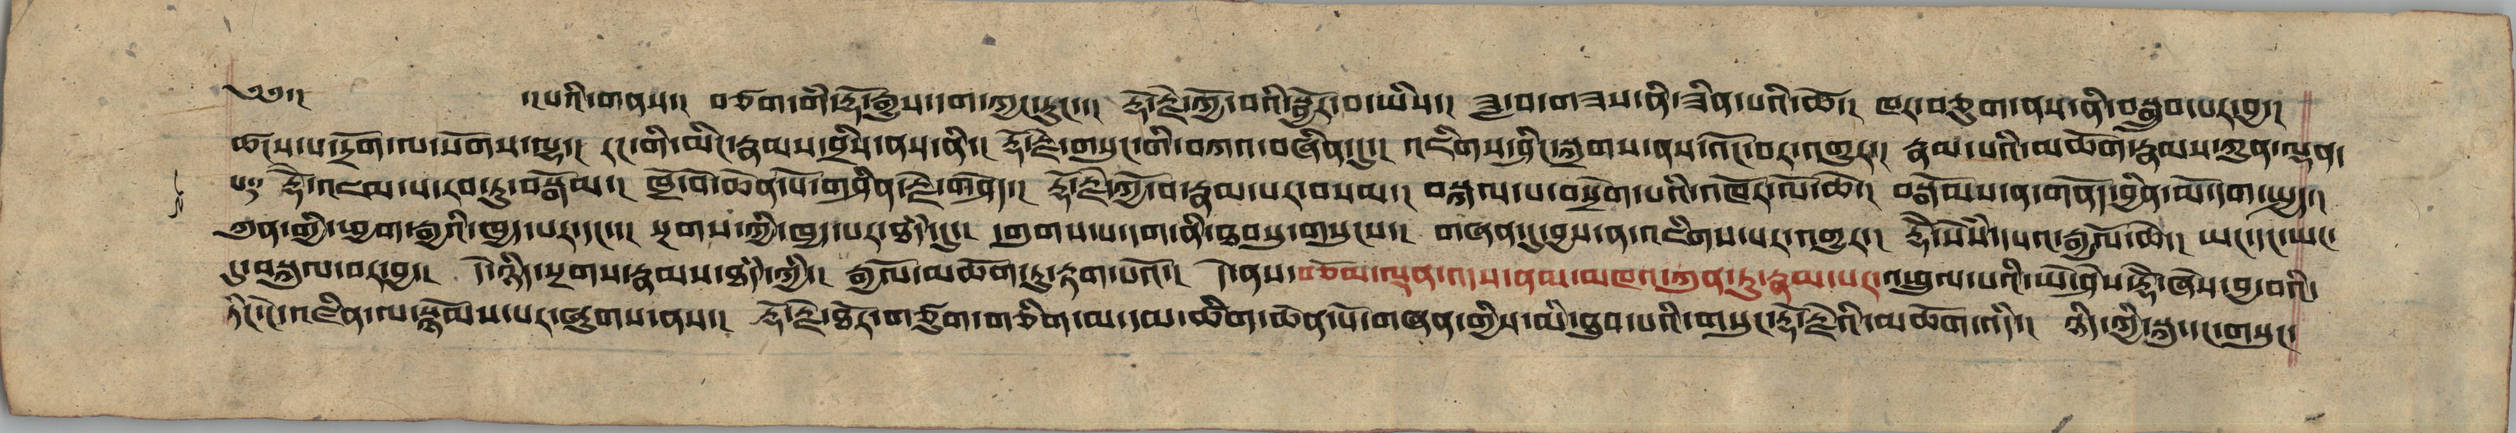༄༅་། ་།པའི་གནས་། བཙག་གཾ་རྡོ་རྒྱུས་དག་ཀྱང་རུང་་། རྡོ་རྗེ་ཀྱྱོ་བའི་སྦྱོར་བ་ཡིས་། ཟླ་བ་གཟས་ནི་ཟིན་པའི་ཚེ་། ཁར་བཅུག་ནས་ནི་བསྒྲུབ་པར་བྱ་།
ཚངས་པ་དྲོག་ལ་སོགས་ལྷ་། རང་གི་མིང་རྣམས་བྲིས་ནས་ནི་། རྡོ་རྗེ་གསུང་གི་བཀའ་བཞིན་དུ་། འཇིགས་ཤིང་སྐྲགས་ནས་འོང་བར་འགྱུར་། རྣམ་པའི་མཆོག་རྣམས་ཀུན་ལྡན་
པ༑ རྡོེ་འཇམ་པ་རབ་ཏུ་བསྒོམ་། ཁྲོ་བོ་ཆེན་པོ་གཤིན་རྗེ་གཤཻད་། རྡོ་རྗེ་ཀྱོ་བ་རྣམ་པར་བསམ་། བསྐལ་པ་བསྲེག་པའི་འཁོར་ལོ་ཆེ་། བསྒོམ་ན་གནོད་བྱིན་མོ་དག་སྤྱད་།
ཀུན་གྱི་ཕྱག་རྒྱའི་ཁྱད་པར་དང་་། སྔགས་ཀྱི་ཁྱད་པར་ཐཾད་དུ་། དགུགས་པ་དག་ནི་ཐབསསུ་གསུངས་། གཞན་དུ་བྱས་ན་འཇིགས་པར་འགྱུར་། རྡོེ་སེཾས་དཔའ་རྒྱལོ་ཆེ་། ཡང་དང་ཡང་
དུ་བསྐུལ་བར་བྱ་། དེ་ཉིད་སྔགས་རྣམས་ཐཾད་ཀྱི་། རྒྱལོ་མཆོག་ཏུ་རྟག་པའོ་། དེ་ནས་བཅོམ་ལྡན་འདས་ནམ་མཁའ་ཀུན་ཏུ་རྣམ་པར་འཕྲུལ་པའི་ཡེ་ཤེས་རྡོེ་ཞེས་བྱ་བའི་
ཏིང་ངེ་འཛིན་ལ་སྙོམས་པར་ཞུགས་ནས་། རྡོ་རྗེ་ཐོར་གཙུག་གཅིག་ལ་དམ་ཚིག་ཆེན་པོ་གཞན་གྱིས་མི་ཐུབ་པའི་གསུང་རྡོ་རྗེའི་མཆོག་འདི་། ཉིད་ཀྱི་སྐུ་དང་གསུང་